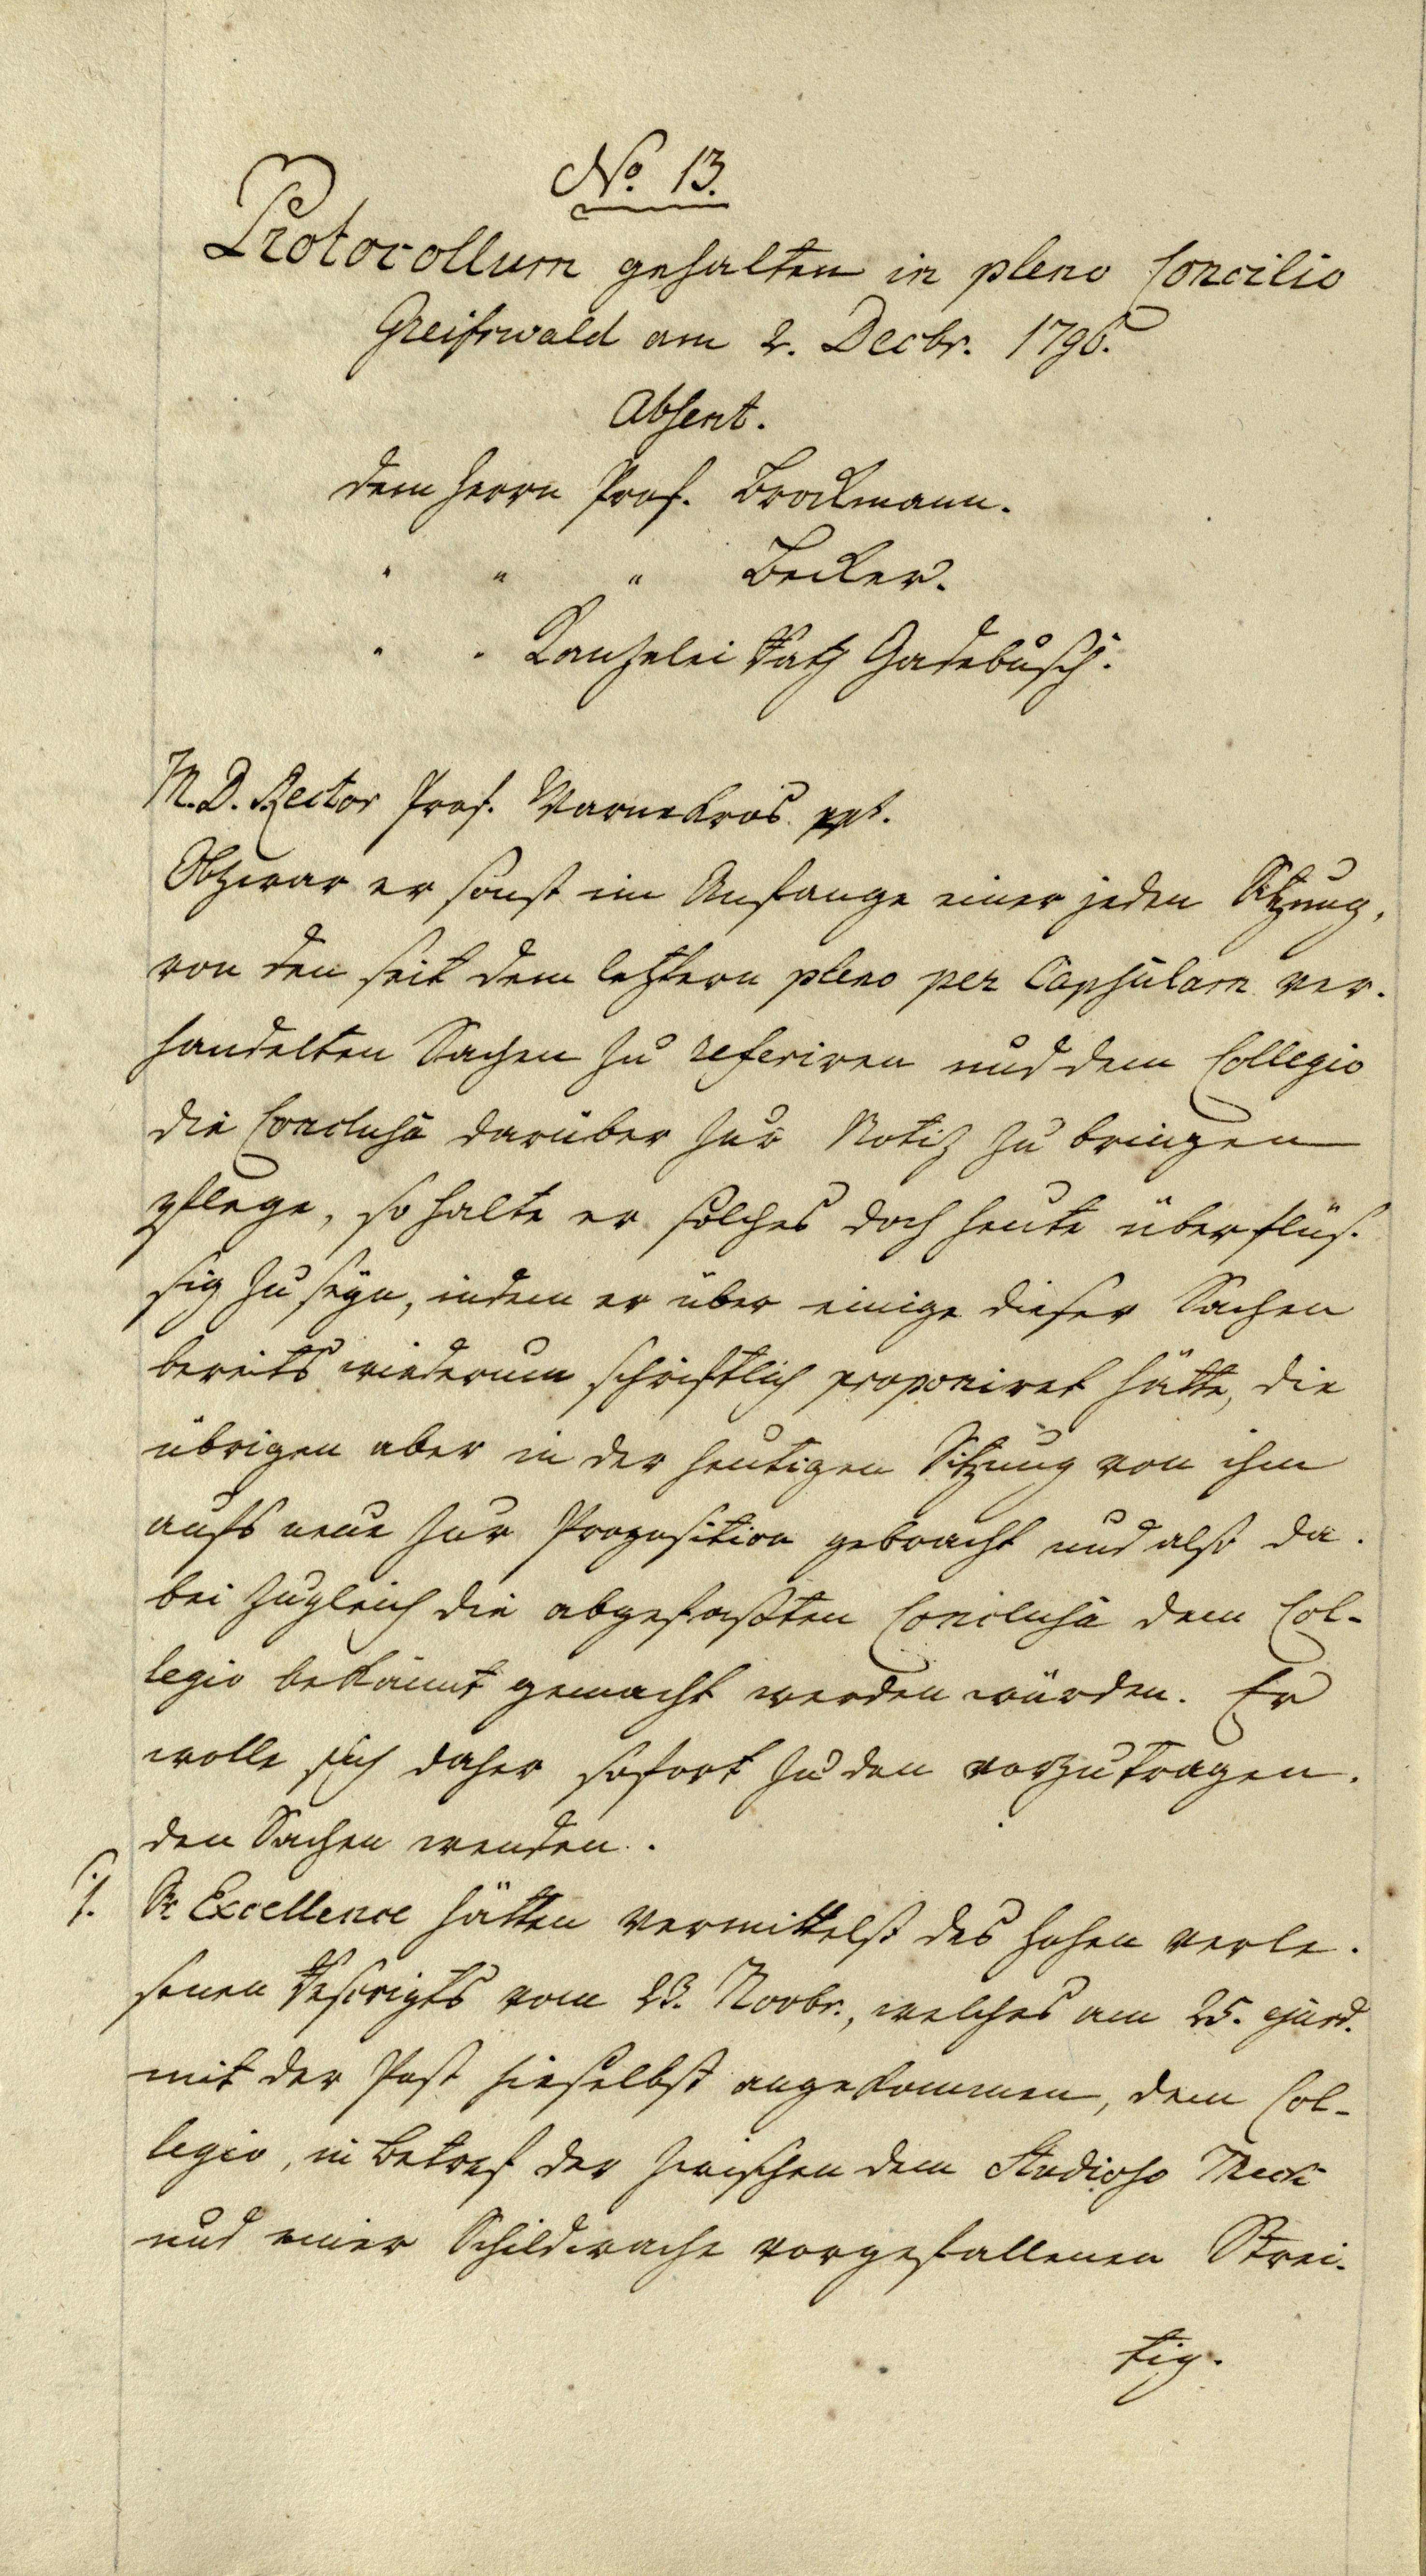No 13.
Protocollum gehalten in pleno Concilio
Greifswald am 2. Decbr. 1796.
Absent.
dem Herrn Prof. Brockmann.
Becker.
Kanzelei Rath Gadebusch.
M. D. Rector Prof. Warnekros ppt.
Obzwar er sonst im Anfange einer jeden Sitzung,
von den seit dem letztern pleno per Capsulam ver¬
handelten Sachen zu referiren und dem Collegio
die Conclusa darüber zur Notiz zu bringen
pflege, so halte er solches doch heute überflüs¬
sig zu seÿn, indem er über einige dieser Sachen
bereits wiederum schriftlich proponiret hätte, die
übrigen aber in der heutigen Sitzung von ihm
aufs neue zur Proposition gebracht und also da¬
bei zugleich die abgefaßten Conclusa dem Col¬
legio bekannt gemacht werden würden. Er
wolle sich daher sofort zu den vorzutragen¬
den Sachen wenden.
1. Sr Excellence hätten vermittelst des hohen verle¬
senen Rescripts vom 23. Novbr., welches am 25. ejusd.
mit der Post hieselbst angekommen, dem Col
legio, in Betref der zwischen dem Studioso Meck
und einer Schildwache vorgefallenen Strei¬
tig.